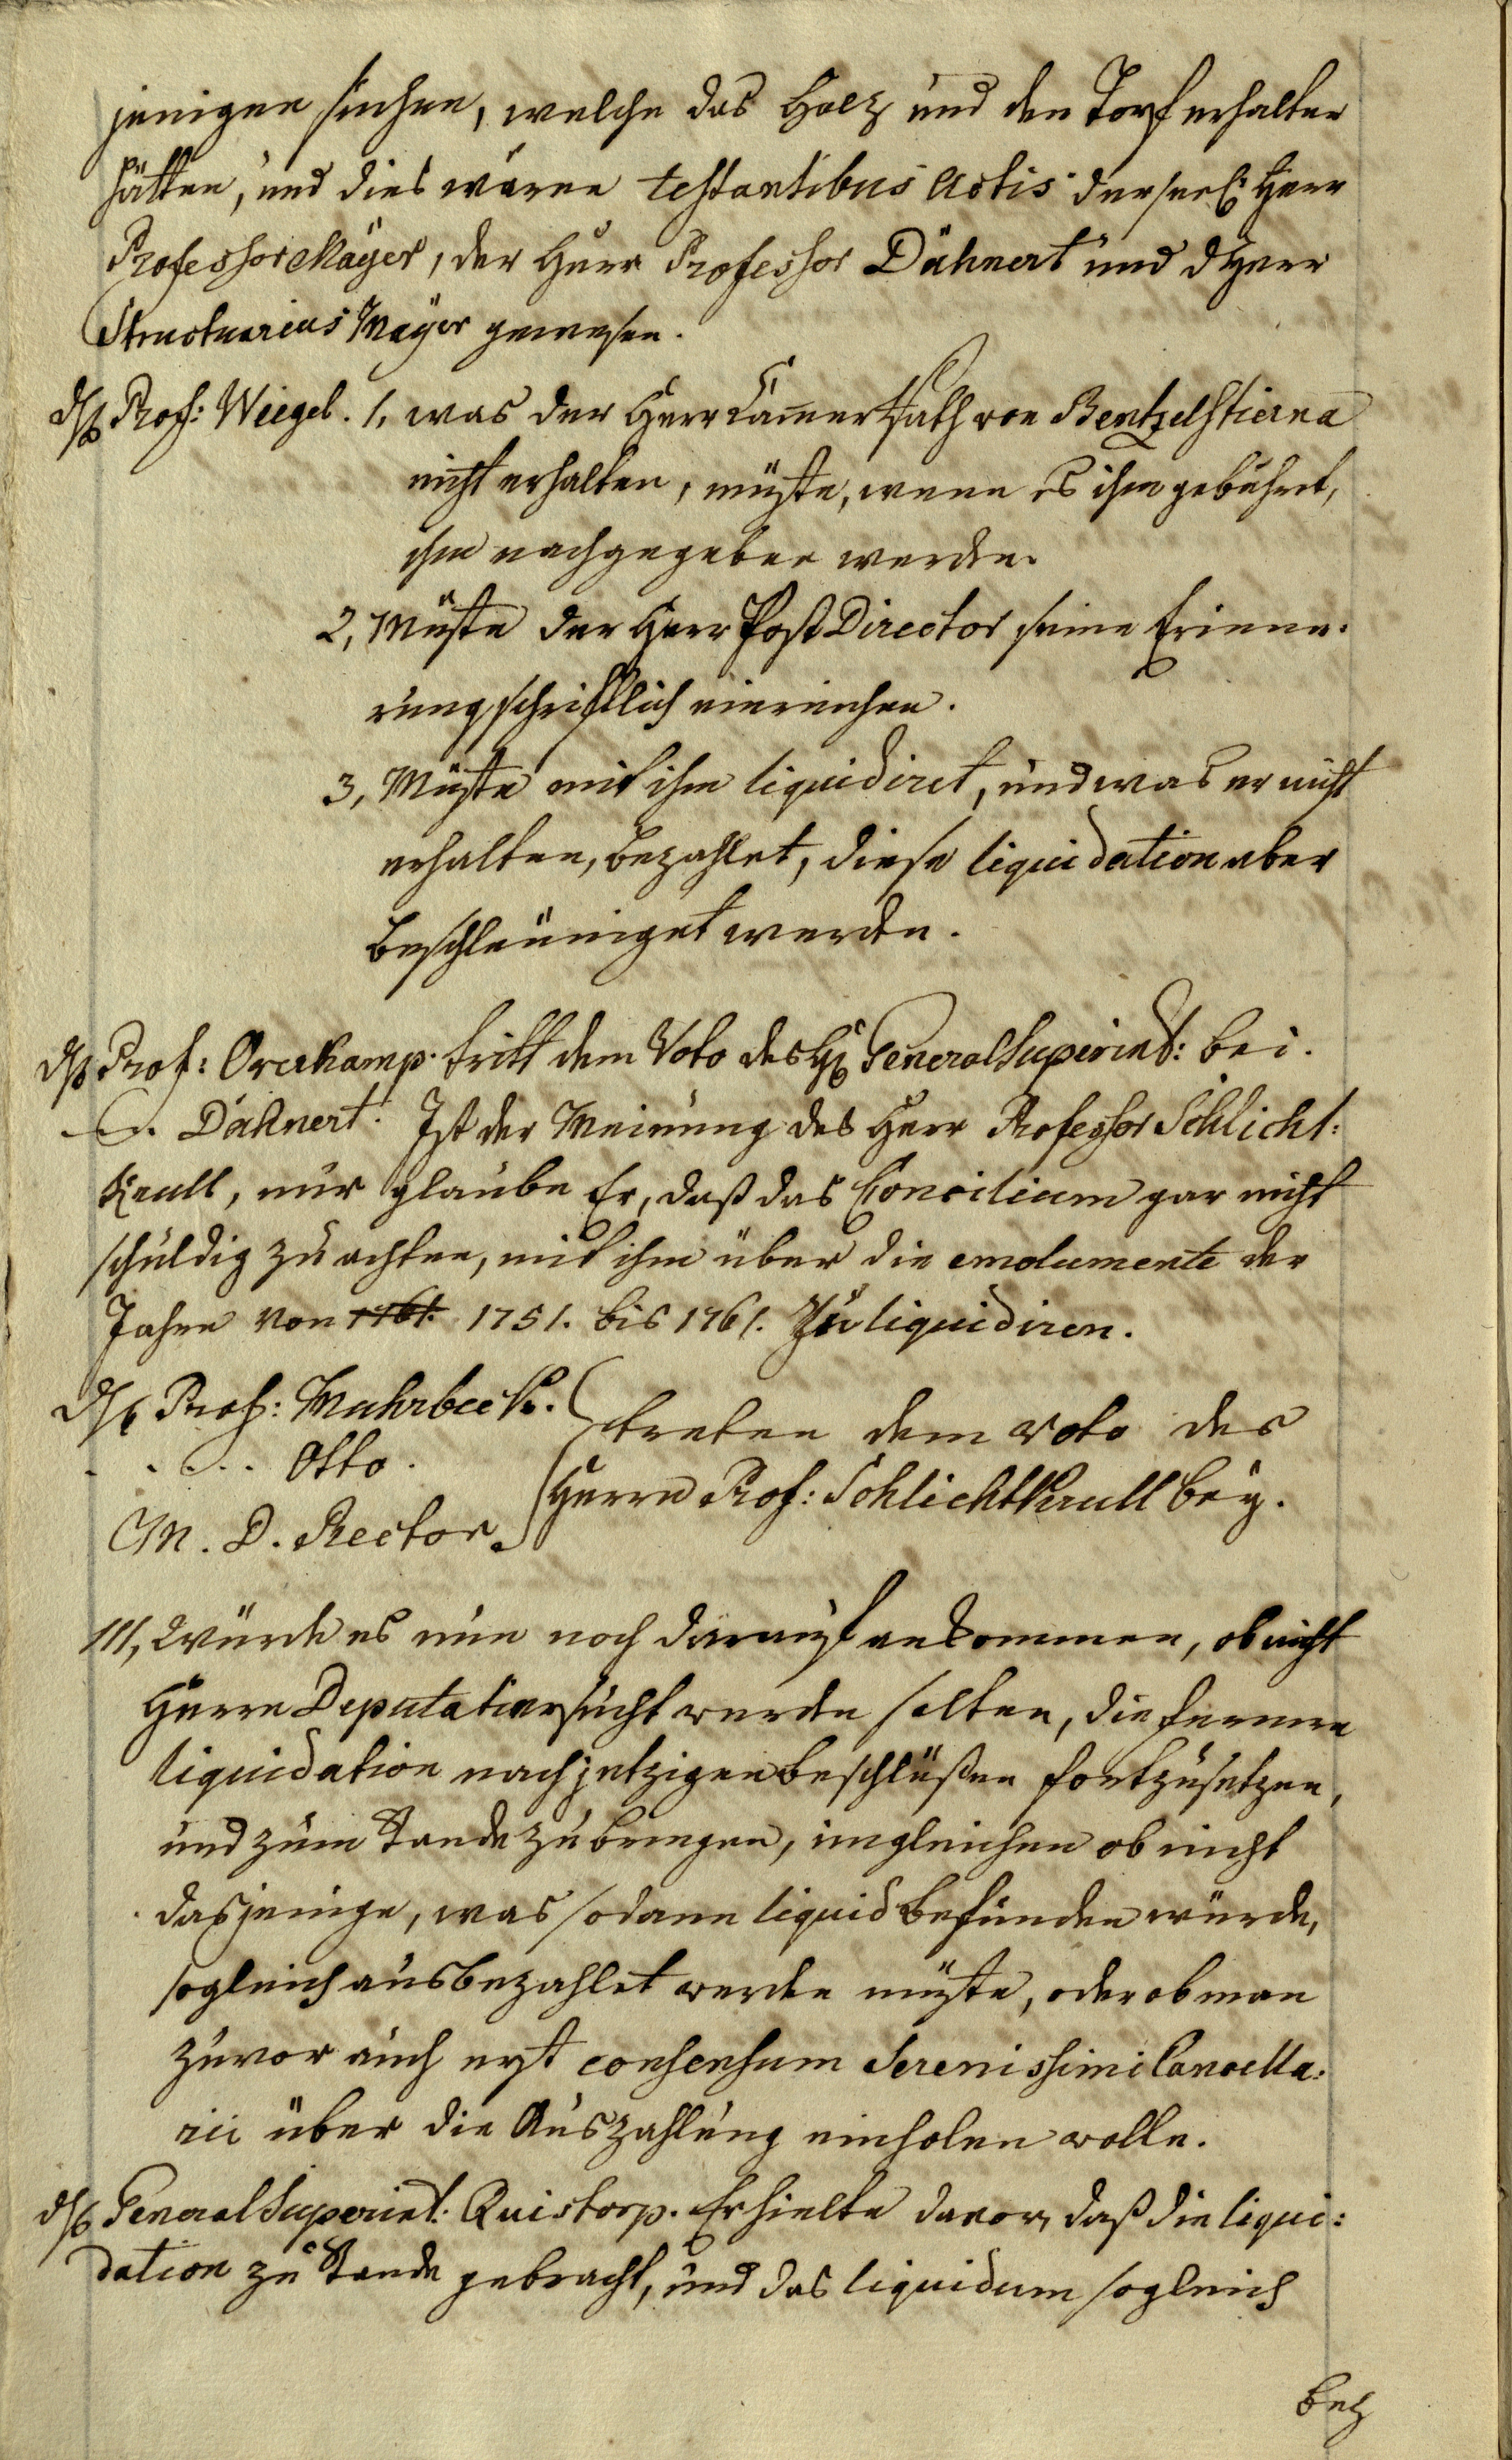jenigen suchen, welche das Holz und den Torf erhalten
hätten, und dies wären testantibus actis der seel. Herr
Professor Maÿer, der Herr Professor Dähnert und dHerr
Structuarius Maÿer gewesen.
dh. Prof. Weigel. 1. was der Herr CamerRath von Bentzelstierna
nicht erhalten, müßte, wenn es ihm gebühret,
ihm nachgegeben werden.
2. Müßte der Herr PostDirector seine Erinne¬
rung schriftlich einreichen.
3. Müßte mit ihm liquidiret, und was er nicht
erhalten, bezahlet, diese liquidation aber
beschleuniget werden.
dh. Prof. Overkamp. tritt dem Voto des H. GeneralSuperint. bei.
Dähnert. Ist der Meinung des Herr Professor Schlicht¬
krull, nur glaube Er, daß das Concilium gar nicht
schuldig zu achten, mit ihm über die emolumente der
Jahre von 1751. bis 1761. zu liquidiren.
dh Prof. Muhrbeck
Otto.
treten dem voto des
Herrn Prof. Schlichtkrull beÿ.
M. D. Rector
III, Würde es nun noch darauf ankommen, ob nicht
Herrn Deputati ersucht werden solten, die fernere
liquidation nach jetzigen Beschlüßen fortzusetzen,
und zum Stande zu bringen, imgleichen ob nicht
dasjenige, was sodann liquid befunden würde,
sogleich ausbezahlet werden müßte, oder ob man
zuvor auch erst consensum Seremissimi Cancella¬
rii über die Auszahlung einholen wolle.
dh GeneralSuperint. Quistorp. Er hielte davor, daß die liqui¬
dation zu Stande gebracht, und das liquidum sogleich
bez